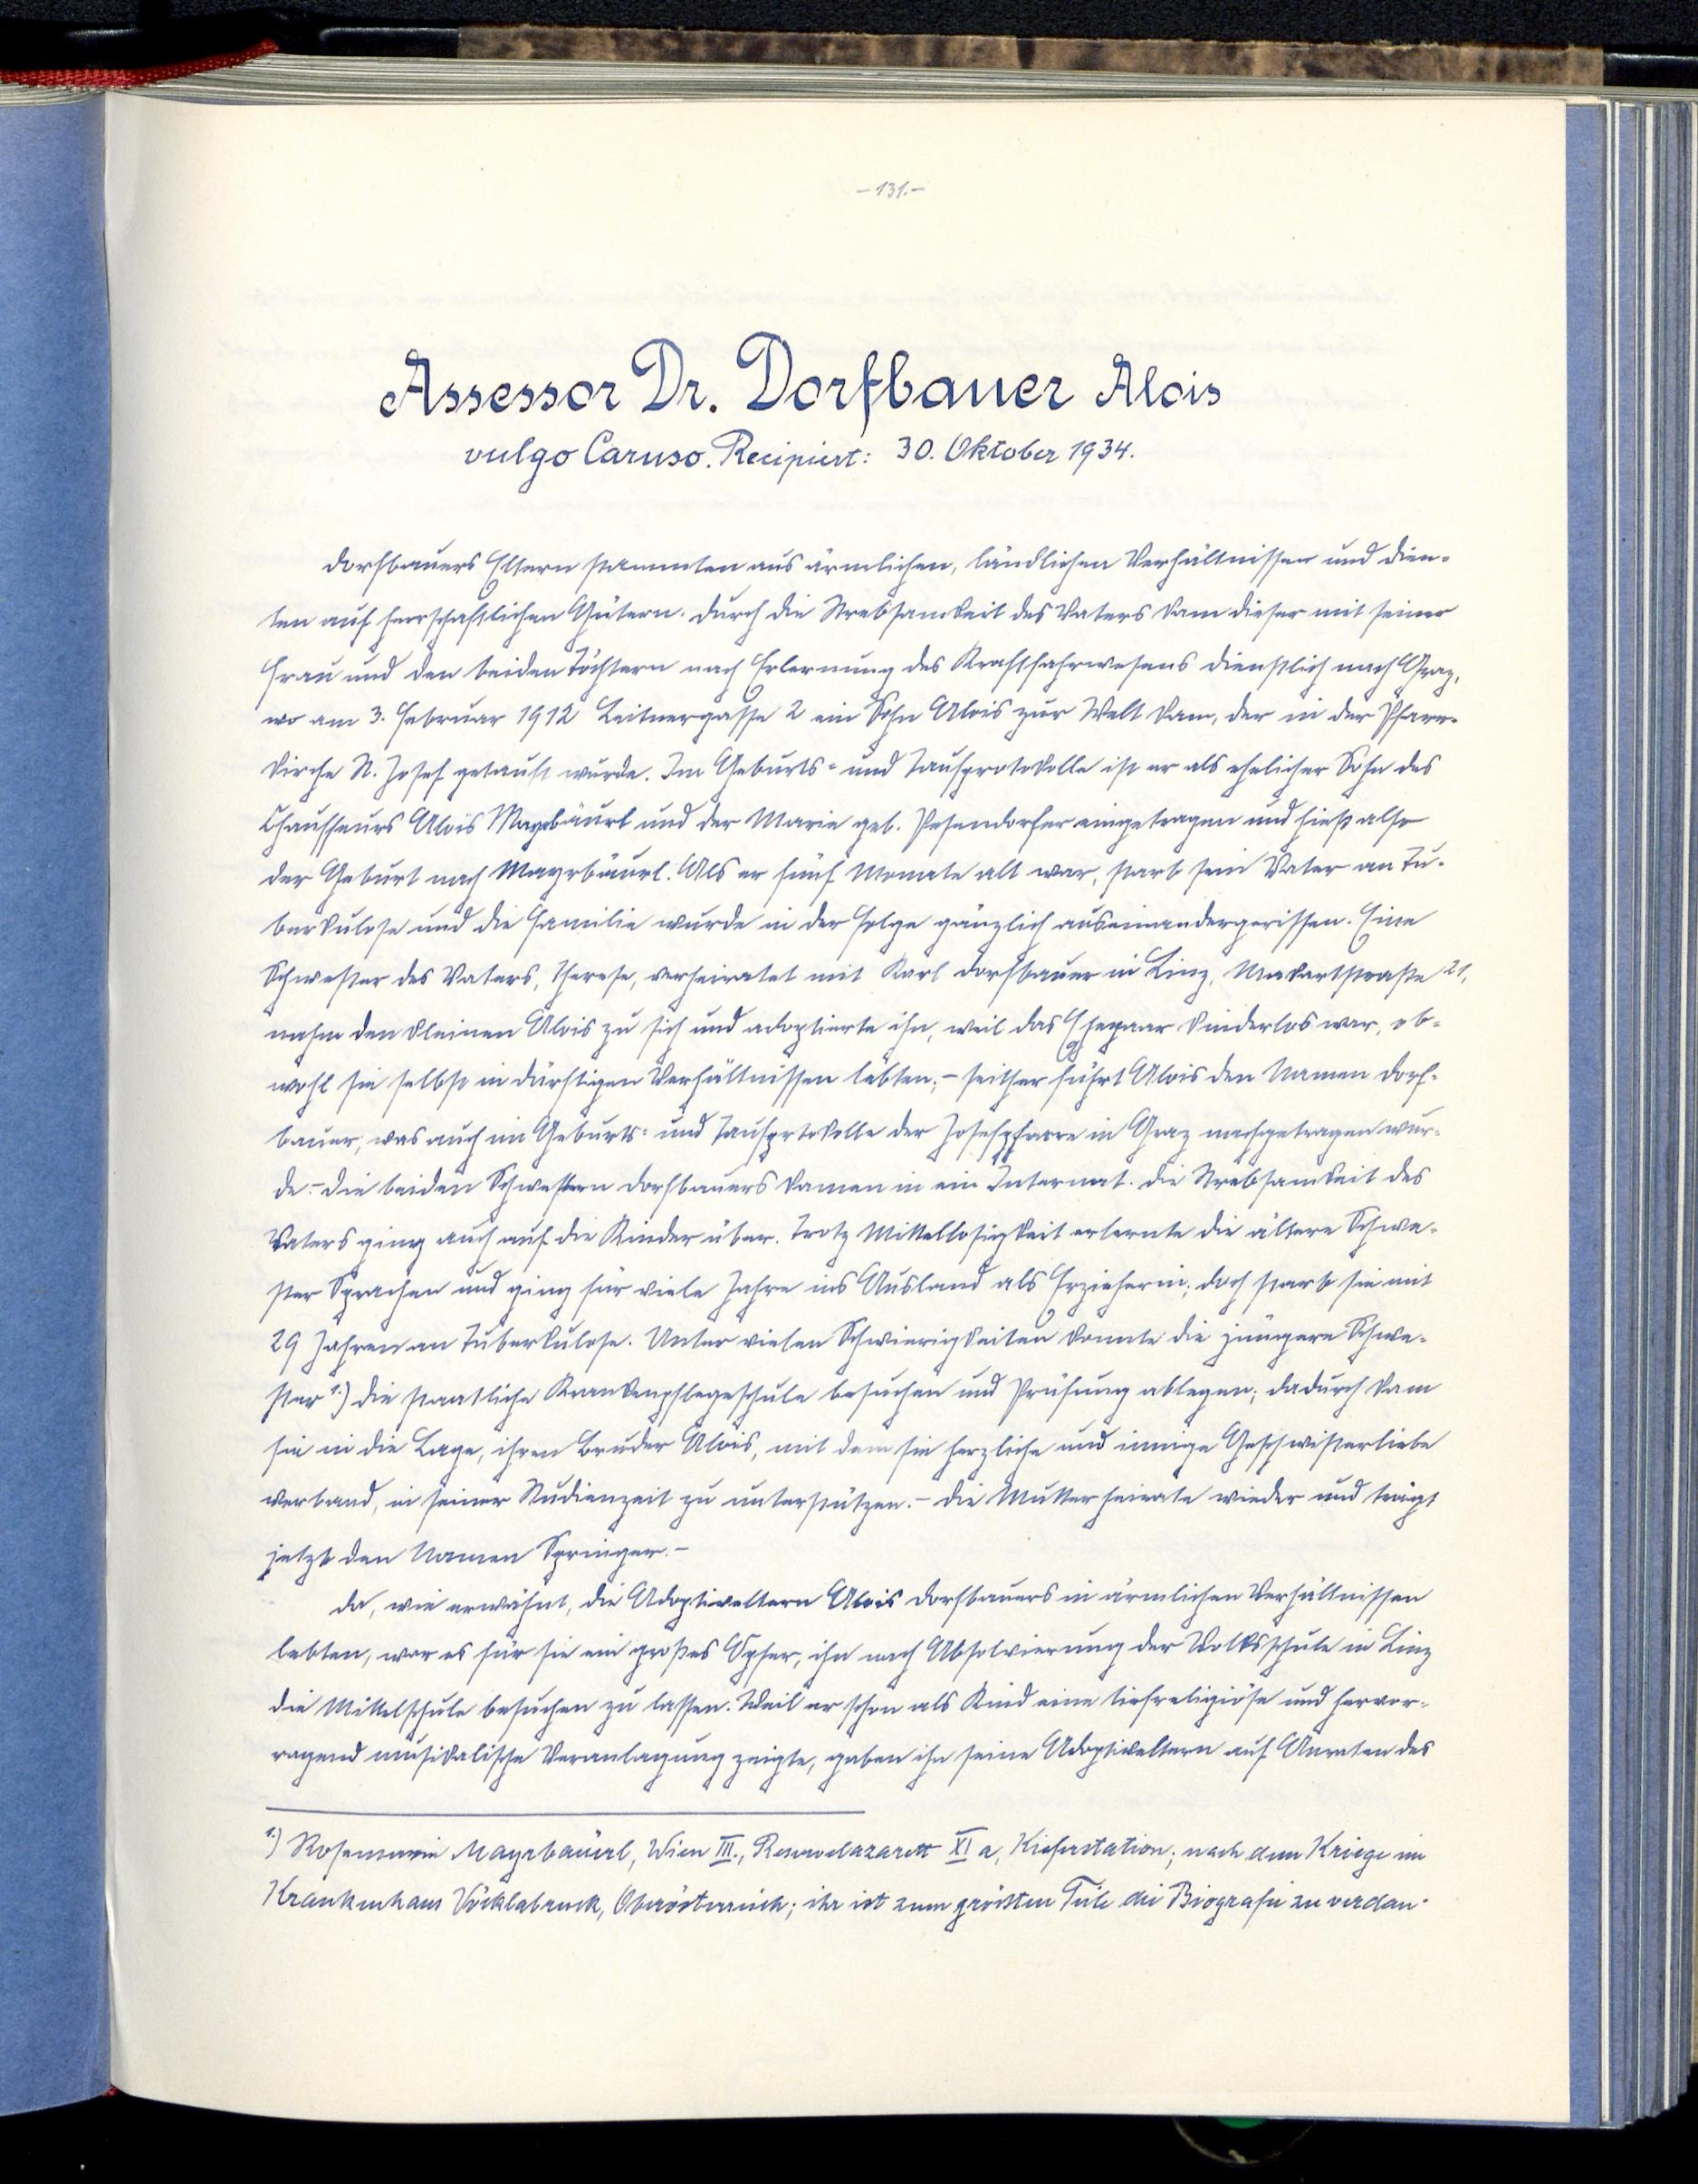131
Assessor Dr. Dorfbauer Alois
vulgo Caruso. Recipiert: 30. Oktober 1934.
Dofbauers Eltern stammten aus ärmlichen, ländlichen Verhältnissen und dien-
ten auf herrschaftlichen Gütern. Durch die Strebsamkeit des Vaters kam dieser mit seiner
Frau und den beiden Töchtern nach Erlernung des Kraftfahrwesens dienstlich nach Graz,
wo am 3. Februar 1912 Leitnergasse 2 ein Sohn Alois zur Welt kam, der in der Pfarr-
kirche St. Josef getauft wurde. Im Geburts- und Taufprotokolle ist er als ehelicher Sohn des
Chauffeurs Alois Mayrbäurl und der Maria geb. Pesendorfer eingetragen und hieß also
der Geburt nach Mayrbäurl. Als er fünf Monaten alt war, starb sein Vater an Tu-
berkulose und die Familie wurde in der Folge gänzlich auseinandergerissen. Eine
Schwester des Vaters, Therese, verheiratet mit Karl Dorfbauer in Linz, Markartstraße 2,
nahm den kleinen Alois zu sich und adoptierte ihn, weil das Ehegaar kinderlos war, ob-
wohl sie selbst in dürftigen Verhältnissen liebsten, - seither führt Alois den Namen Dorf-
bauer, was auch in Geburts- und Taufprotokolle der Josefpfarre in Graz nachgetragen wur-
de- Die beiden Schwestern Dorfbauers kamen in ein Internat. Die Strebsamkeit des
Vaters ging auch auf die Kinder über. Trotz Mittellosigkeit erlernte die ältere Schwer-
ster Sprachen und ging für viele Jahre ins Ausland als Erzieherin, doch starb sie mit
29 Jahren an Tuberkulose. Unter vielen Schwierigkeiten konnte die junger Schwe-
ster 1) die staatliche Krankenpflegeschule besuchen und Prüfung ablegen, dadurch kam
sie in die Lage, ihren Bruder Alois, mit den sie herzliche und innige Geschwisterliebe
verband, in seiner Studienzeit zu unterstützen. - Die Mutter heirate wieder und trägt
jetzt den Namen Springer.
Da, wie erwähnt, die Adoptiveltern Alois Dorfbauers in ärmlichen Verhältnissen
lebteb, war es für sie ein großes Opfer, ihn nach Absolvierung der Volksschule in Linz
die Mittelschule besuchen zu lassen. Weil er schon als Kind eine tiefreligiöse und hervor-
ragend musikalische Veranlagung zeigte, gaben ihn seine Adoptiveltern auf Anraten des
1) Rosemarie Mayrbäuerl, Wie III., Reservelazarett XI a, Kieferstation, nach dem Kriege im
Krankenhaus Vöcklabruck, Oberösterreich; ihr ist zum größten Teile die Biografie verdanken.